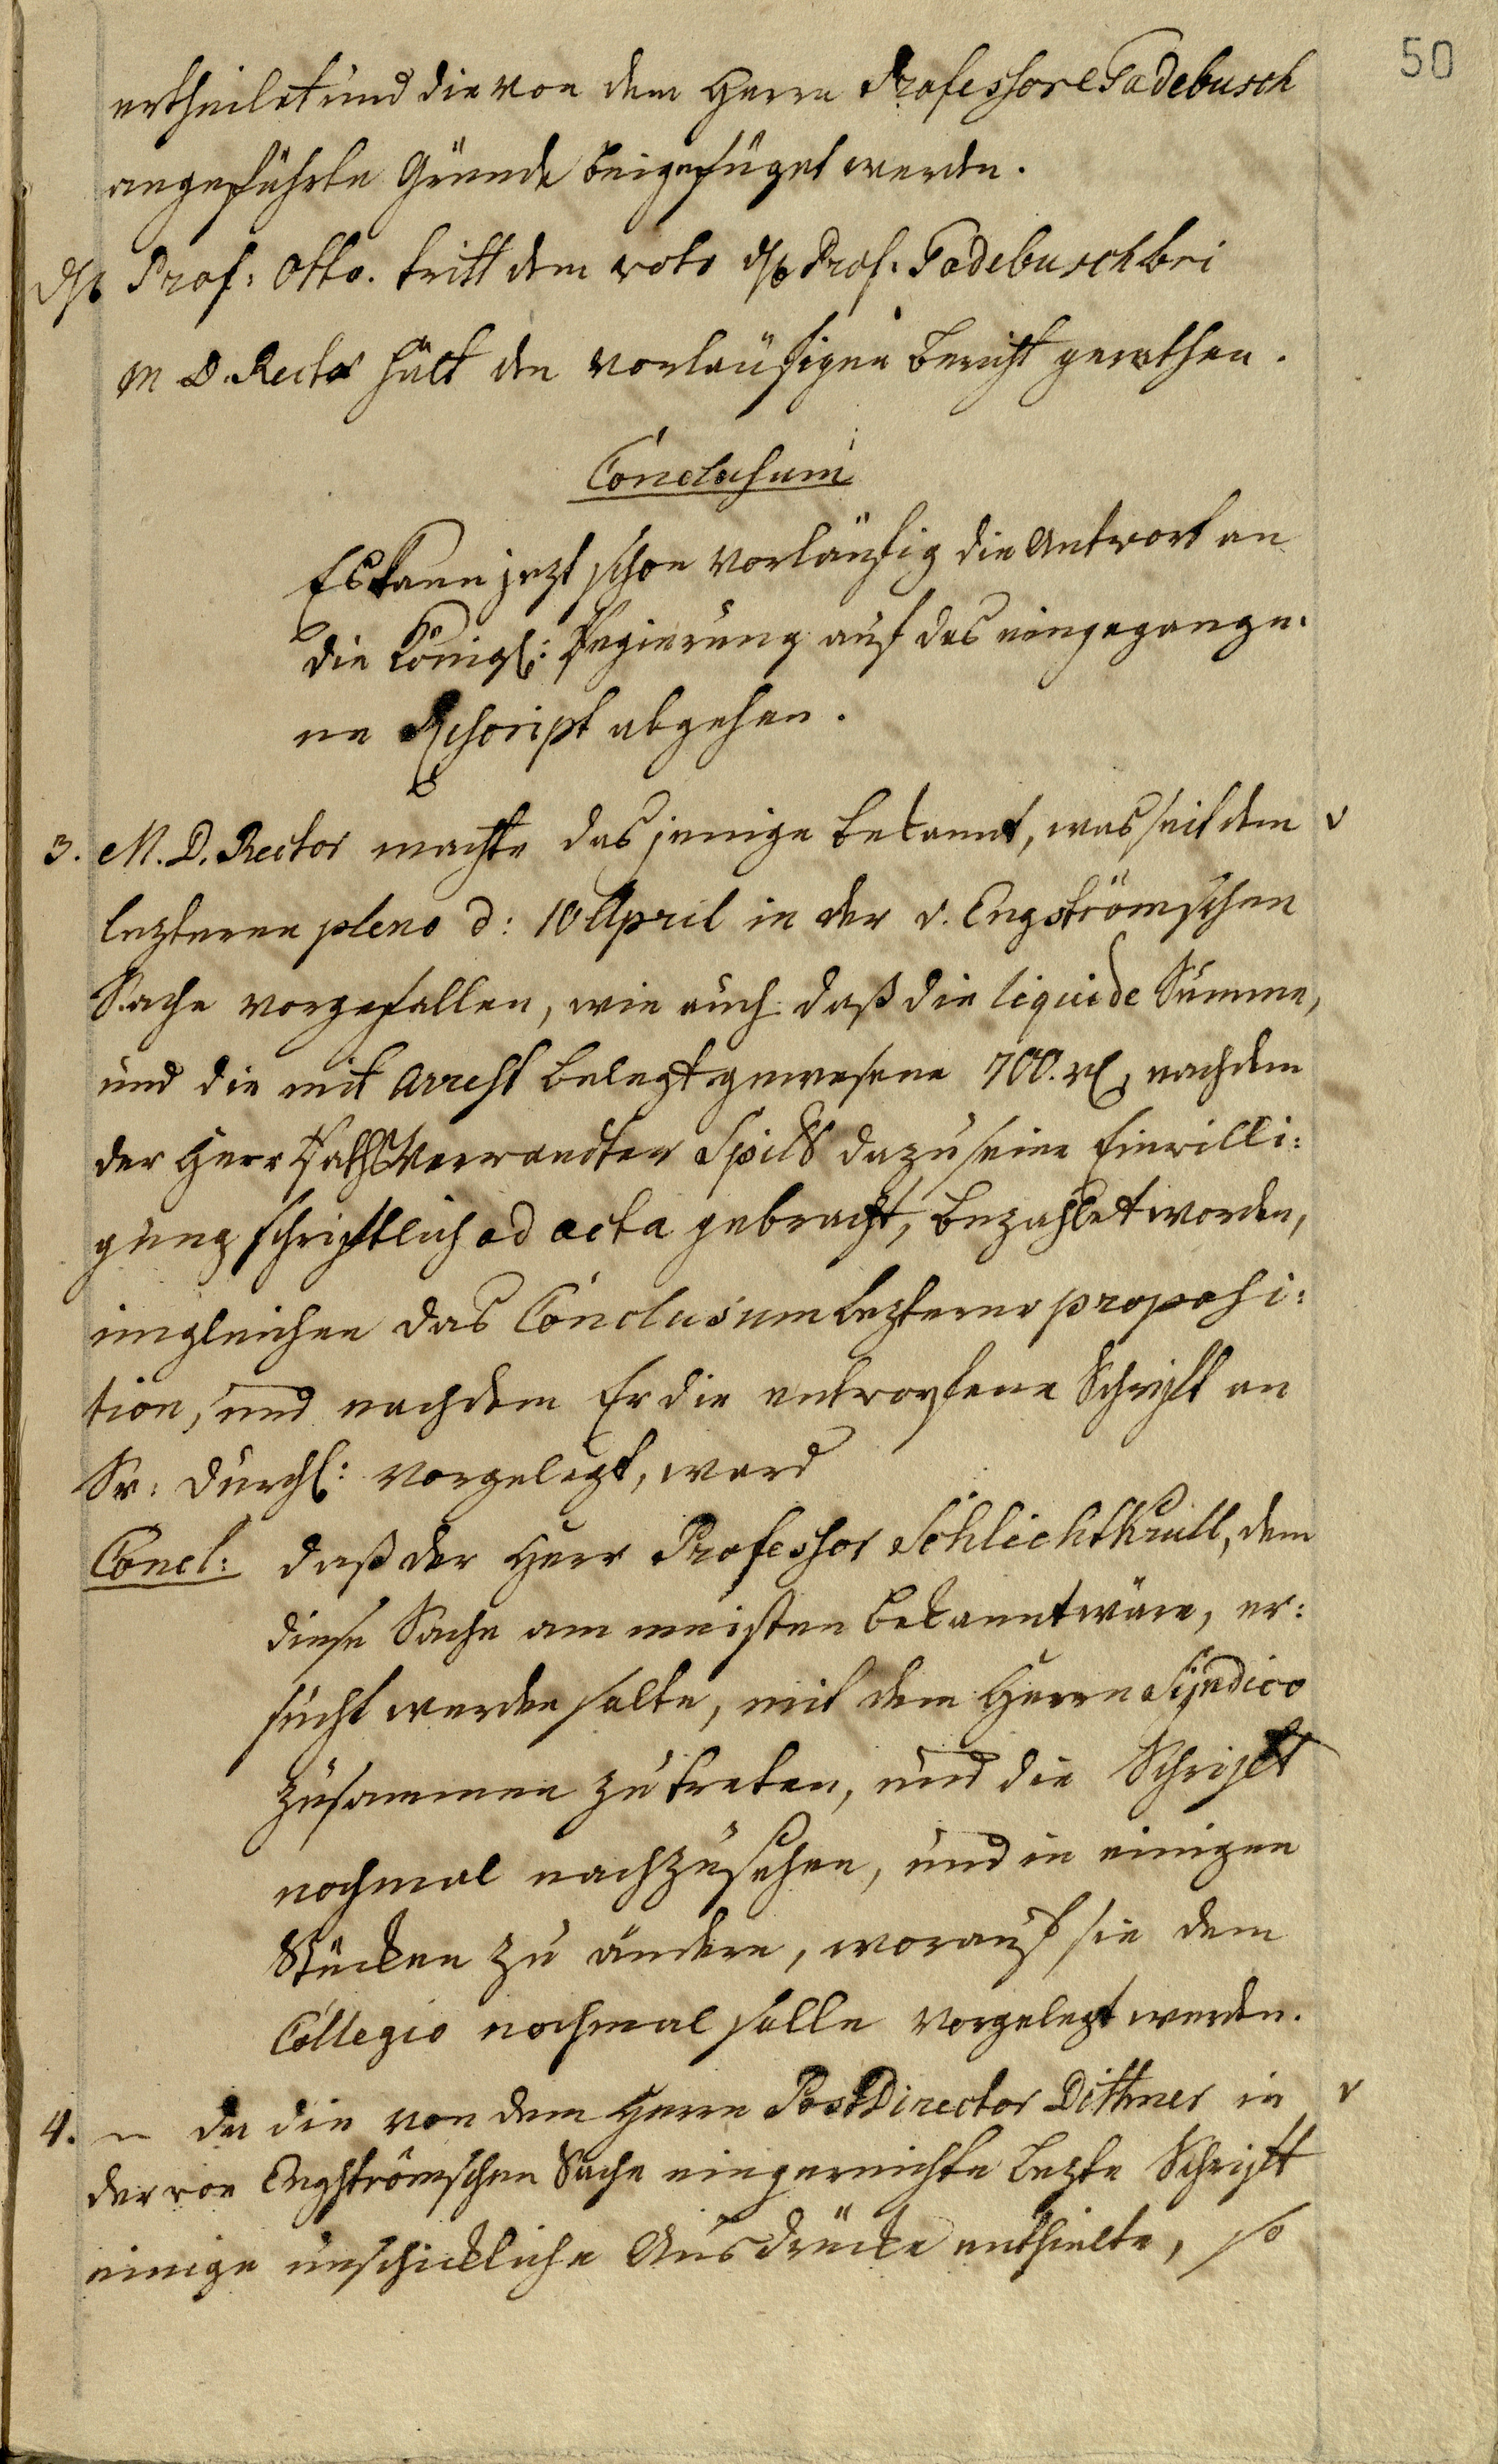ertheilet und die von dem Herrn Professore Gadebusch
angeführte Gründe beigefüget werden.
dh Prof. Otto nicht dem voto dh Prof. Gadebusch bei
M. D. Rector hält den vorläufigen Bericht gerathen.
Conclusum
Es kann jezt schon vorläufig die Antwort an
die Königl. Regierung auf das eingegange¬
ne Rescript abgehen.
3. M. D. Rector machte das jenige bekannt, was seit dem
lezteren pleno d. 10. April in der v. Engströmschen
Sache vorgefallen, wie auch daß die liquide Summe,
und die mit Arrest belegtgewesene 700. rl. nachdem
der Herr Rathsverwandter Spitt dazu seine Einwilli¬
gung schriftlich ad acta gebracht, bezahlet worden,
imgleichen das Conclusum lezterer proposi¬
tion, und nachdem Er die entworfene Schrift an
Sr. Durchl. vorgelegt, ward
Concl. daß der Herr Professor Schlichtkrull, dem
diese Sache am meisten bekannt wäre, er¬
sucht werden solte, mit dem Herrn Sÿndico
zusammen zu treten und die Schrift
nochmals nachzusehen, und in einigen
Stücken zu ändern, worauf sie dem
Collegio nochmal solle vorgelegt werden.
4. Da die von dem Herrn PostDirector Dittmer in
der von Engströmschen Sache eingereichte lezte Schrift
einige unschicklich Ausdrücke enthielte, so